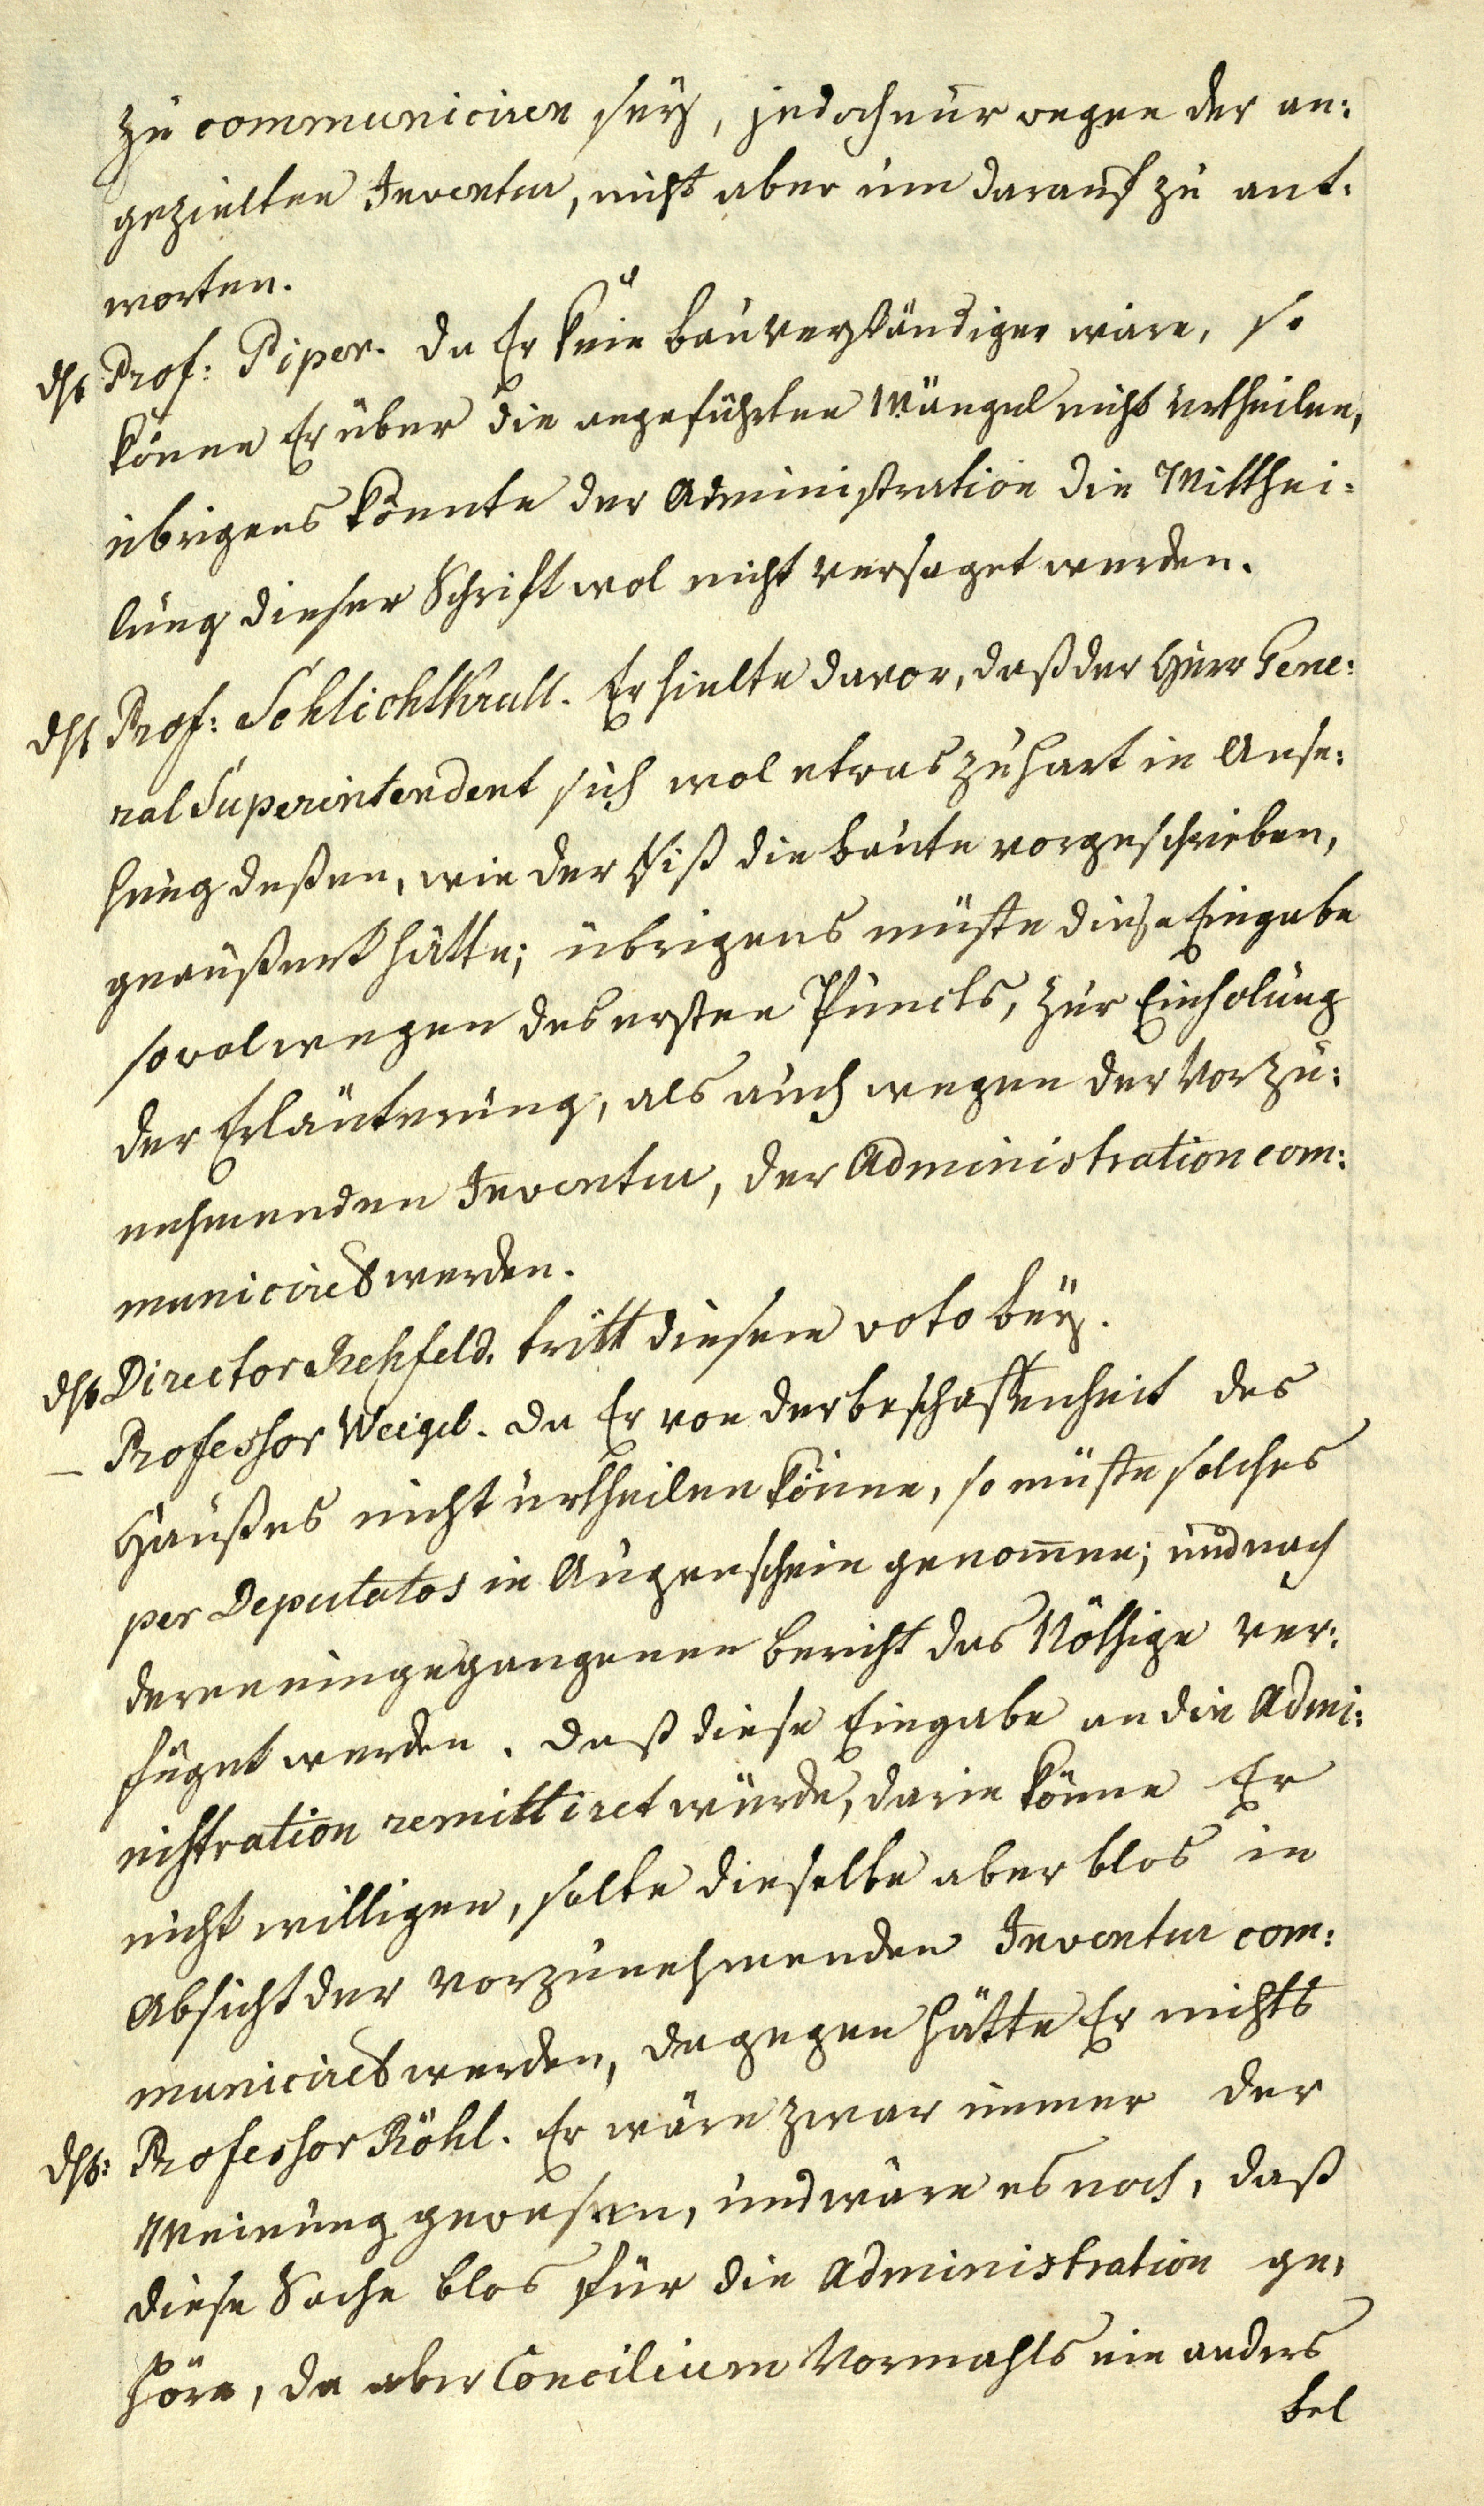zu communiciren seÿ, jedoch nur wegen der an¬
gezielten Inventur, nicht aber um darauf zu ant¬
worten.
dh Prof. Piper. Da Er kein Bauverständiger wäre, so
könne Er über die angeführten Mängel nicht urtheilen,
übrigens könnte der Administration die Mitthei¬
lung dieser Schrift wol nicht versaget werden.
dh Prof: Schlichtkrull. Er hielte davor, daß der Herr Gene¬
nal Superintendent sich wol etwas zu hart in Anse¬
hung deßen, wie der Riß die Baute vorgeschrieben,
geäußert hätte; übrigens müste diese Eingabe
so wol wegen des ersten Puncts, zur Einholung
der Erläuterung, als auch wegen der vorzu¬
nehmenden Inventur, der Administration com¬
municiret werden.
dh. Director Rehfeld. tritt diesem voto beÿ.
Professor Weigel. Da Er von der Beschaffenheit des
Haußes nicht urtheilen könne, so müste solches
per Deputatos in Augenschein genomen; und nach
deren eingegangenen Bericht das Nöthige ver¬
füget werden. Daß diese Eingabe an die Admi¬
nistration remittiret würde, darin könne Er
nicht willigen, solte dieselbe aber blos in
Absicht der vorzunehmenden Inventur com¬
municiret werden, dagegen hätte Er nichts
dh Professor Röhl. Er wäre zwar immer der
Meinung gewesen, und wäre es noch, daß
diese Sache blos für die Administration ge¬
höre, da aber Concilium vormahls ein andres
Bel